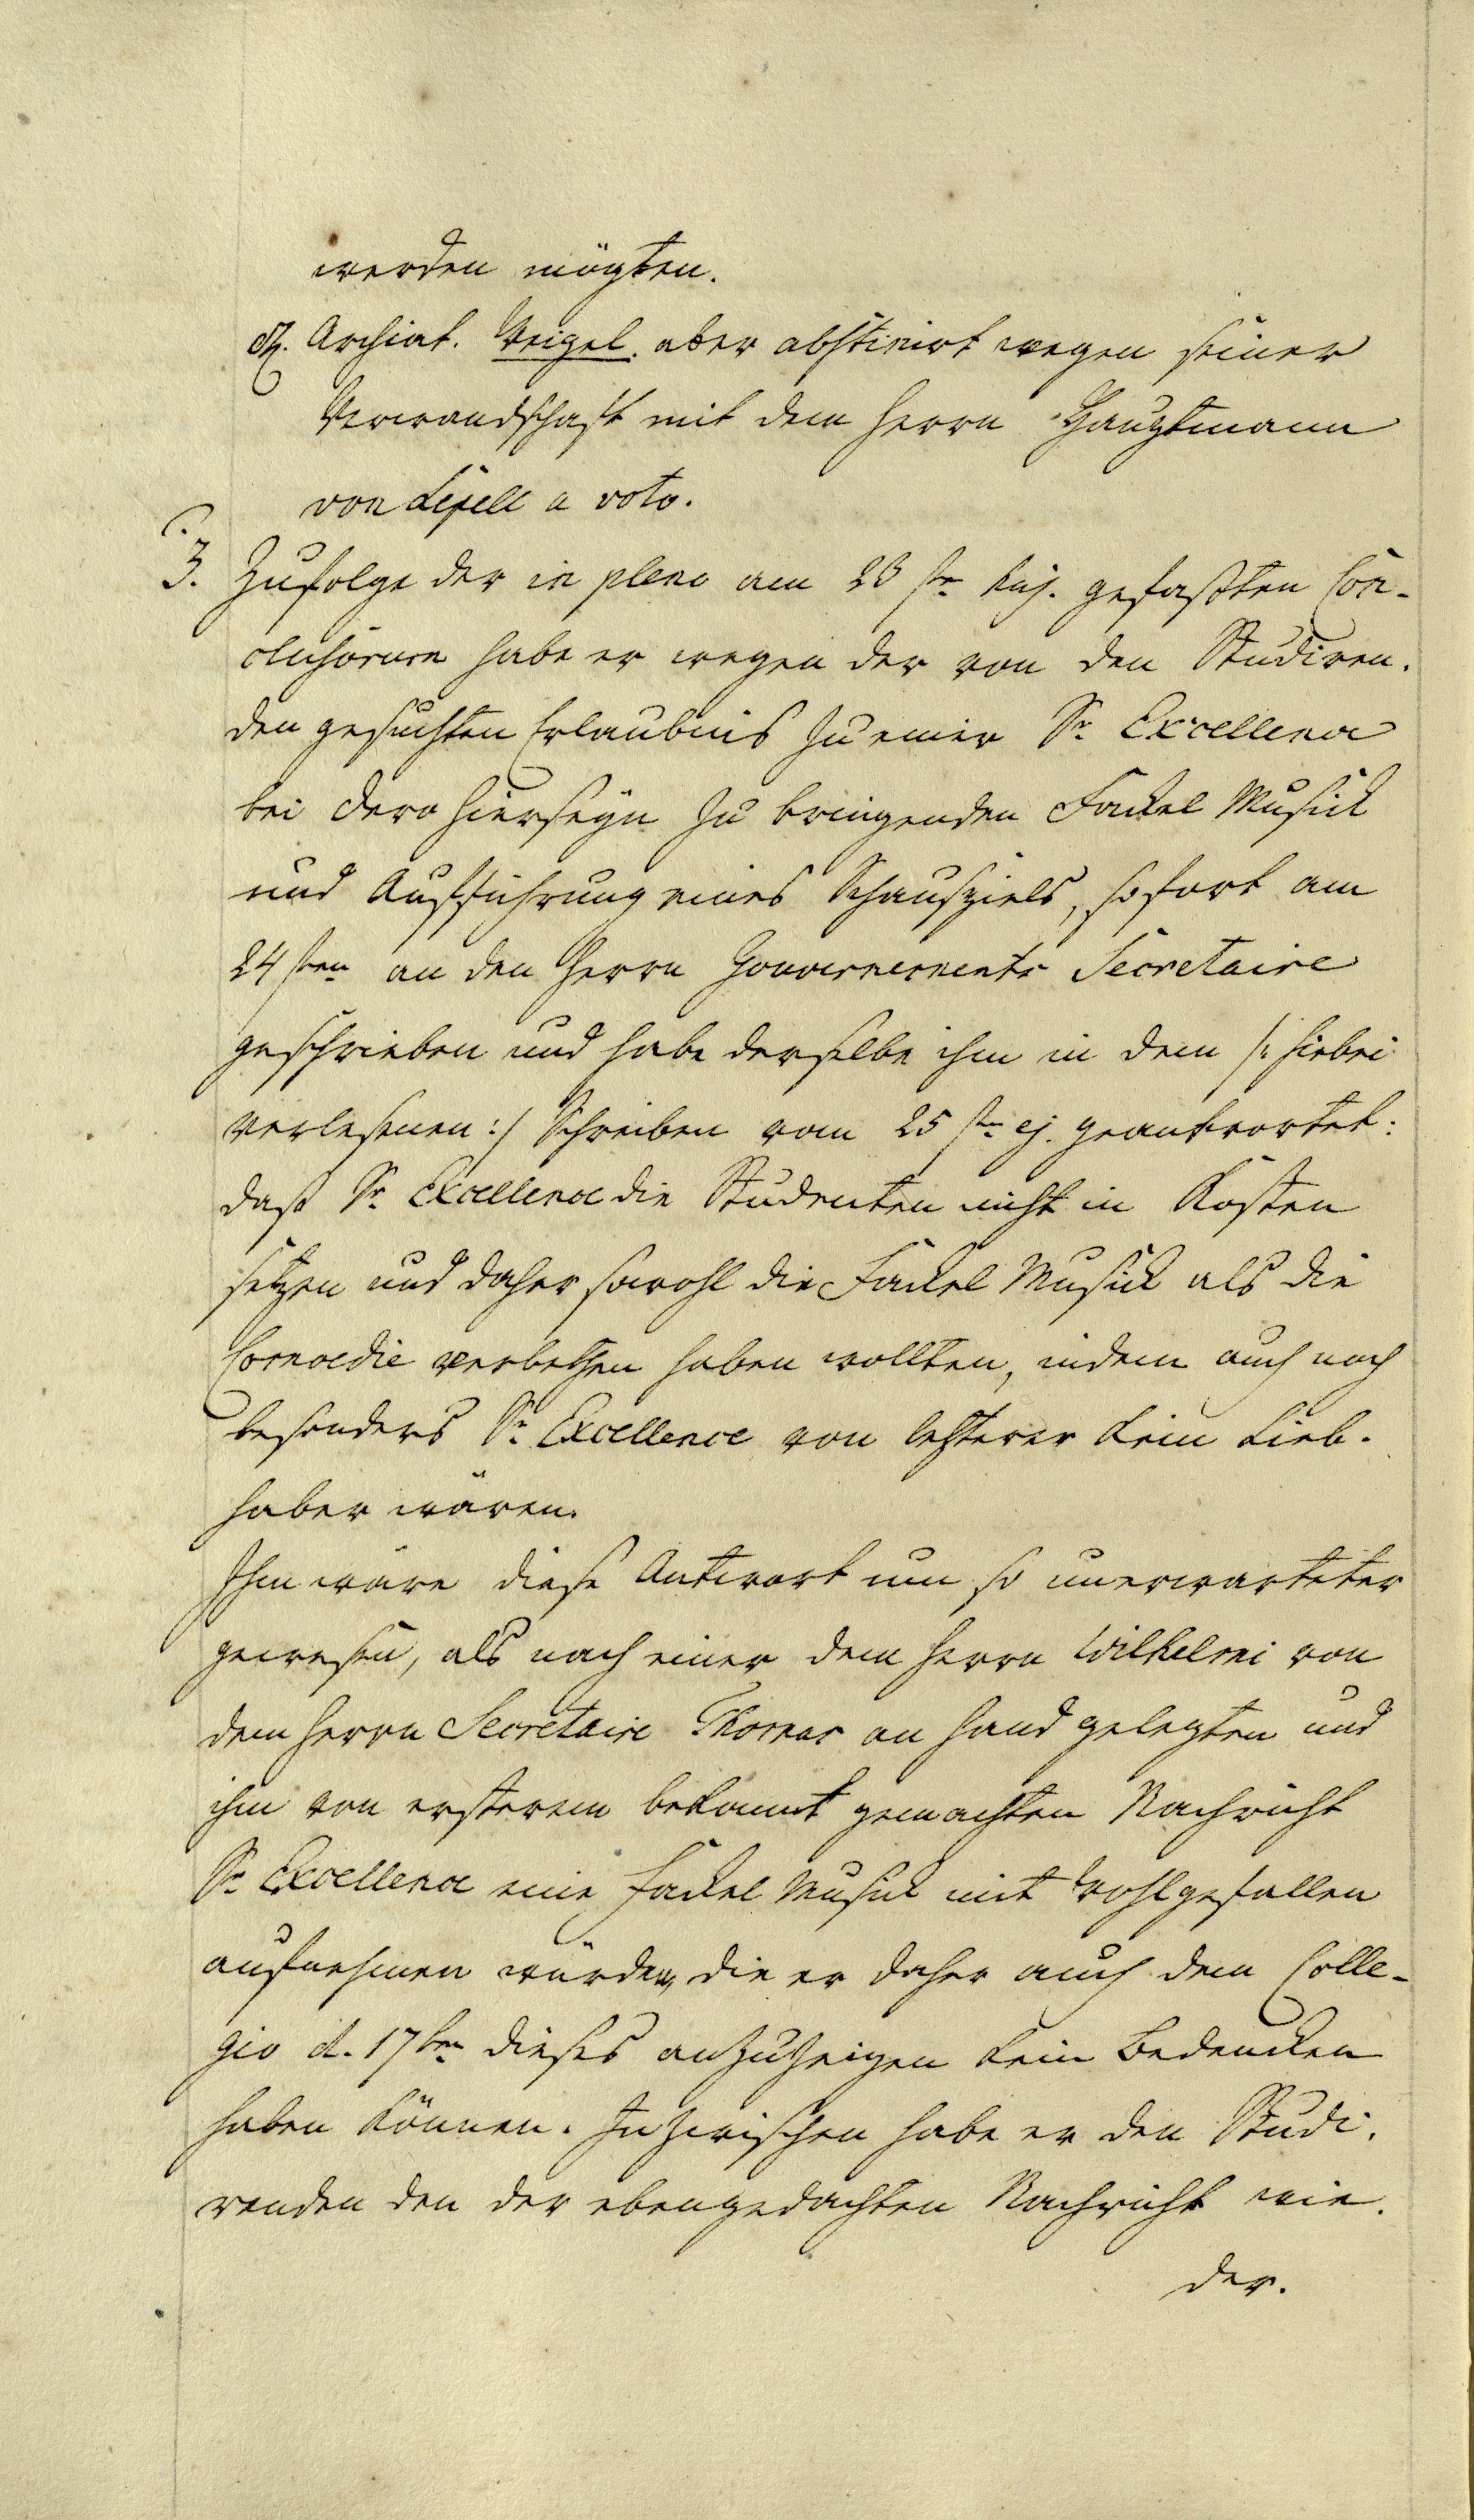werden mögten.
dh. Archiat. Weigel, aber abstinirt wegen seiner
Verwandschaft mit dem Herrn Hauptmann
von Lepell a voto.
3. Zufolge der in pleno am 23 ste huj. gefaßten Con¬
clusorum habe er wegen der von den Studiren¬
den gesuchten Erlaubnis zu einer Sr Excellence
bei dero Hierseÿn zu bringenden Fackel Musick
und Aufführung eines Schauspiels, sofort am
24 sten an den Herrn Gouvernements Secretaire
geschrieben und habe derselbe ihm in dem /: hiebei
verlesenen :/ Schreiben vom 25 sten ej. geantwortet:
daß Sr Excellence die Studenten nicht in Kosten
setzen und daher sowohl die Fackel Musick als die
Cmoedie verbethen haben wollten, indem auch noch
besonders Sr Excellence von letzterer kein Lieb¬
haber wären.
Ihm wäre diese Antwort um so unerwarteter
gewesen, als nach einer dem Herrn Wilhelmi von
dem Herrn Secretaire Thomas an hand gelegten und
ihm von ersterem bekannt gemachten Nachricht
Sr Excellence eine Fackel Musick mit Wohlgefallen
annehmen würden, die er daher auch dem Colle¬
gio d. 17 ten dieses anzuzeigen kein Bedencken
haben können. Inzwischen habe er den Studi¬
renden den der ebengedachten Nachricht wie¬
der.